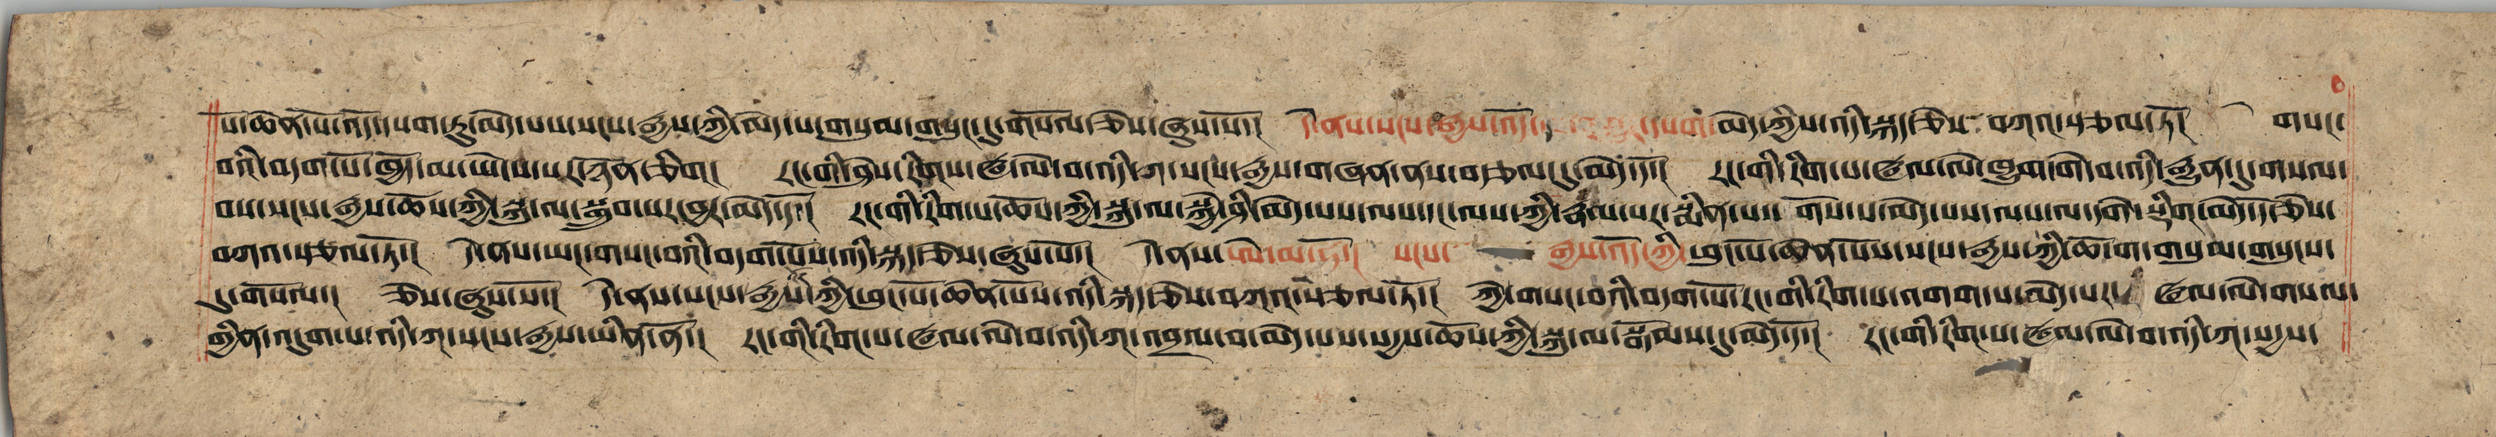པོ་ཆེན་པོ་འོད་དཔག་ཏུ་མེད་པས་སངས་རྒྱས་ཀྱི་མེད་པ་གསུམ་གསུང་དུ་གསོལ་ཅེས་ཞུས་སོ་། དེ་ནས་སངས་རྒྱས་འོད་ དཔག་མེད་ཀྱིས་འདི་སྐད་ཅེས་ བཀའ་སྩལ་ཏོ། གསང་
བའི་བདག་པོ་ཁྱོད་མ་ཡེངས་པར་ཉོན་ཅིག། རང་གི་ཤེས་རིགས་ཝ་ལེ་བ་འདི་ཀ་སངས་རྒྱས་གཞན་ནས་བརྩལ་དུ་མེད་དོ་། རང་གི་རིག་པ་ཝལ་ལེ་ཁྱུག་གེ་བ་འདི་རྒྱུན་དུ་གསལ་
བས་སངས་རྒྱས་ཆོས་ཀྱི་སྐུ་ལ་སྒྲུབ་པར་བྱར་མེད་དོ་། རང་གི་རིག་པ་ཆོས་ཀྱི་སྐུ་ལ་སྐྱེ་ཤི་མེད་པས་ལས་དང་ལས་ཀྱི་རྣམ་པར་སྨིན་པ་དགོས་པ་མེད་པས་ལས་ལ་དགེ་སྡིག་མེད་དོ་ཅེས་
བཀའ་སྩལ་ཏོ་། དེ་ནས་ཡང་གསང་བའི་བདག་པོས་འདི་སྐད་ཅེས་ཞུས་སོ་། དེ་ནས་ཨེ་མ་ཧོ་། སངས་ རྒྱས་འོད་ཀྱི་ཕུང་པོ་ཆེན་པོས་སངས་རྒྱས་ཀྱི་ཆོ་ག་གསུམ་གསུངས་
དུ་གསོལ་། ཅེས་ཞུས་སོ་། དེ་ནས་སངས་རྒྱས་ཀྱི་ཕུང་པོ་ཆེན་པོས་འདི་སྐད་ཅེས་བཀའ་སྩལ་ཏོ་། ཀྱེ་གསང་བའི་བདག་པོ་རང་གི་རིག་པ་འགག་པ་མེད་པར་ ཝལ་ལེ་གསལ་
ཀྱིན་འདུག་པ་འདི་ཀ་སངས་རྒྱས་ཡིན་ནོ་། རང་གི་རིག་པ་ཝལ་ལེ་བ་འདི་ཀ་འབྲལ་བ་མེད་པས་སདྱས་ཆོས་ཀྱི་སྐུ་ལ་སྒོམས་དུ་མེད་དོ་། རང་གི་རིག་པ་ཝལ་ལེ་བ་འདི་ཀ་སདྱས་